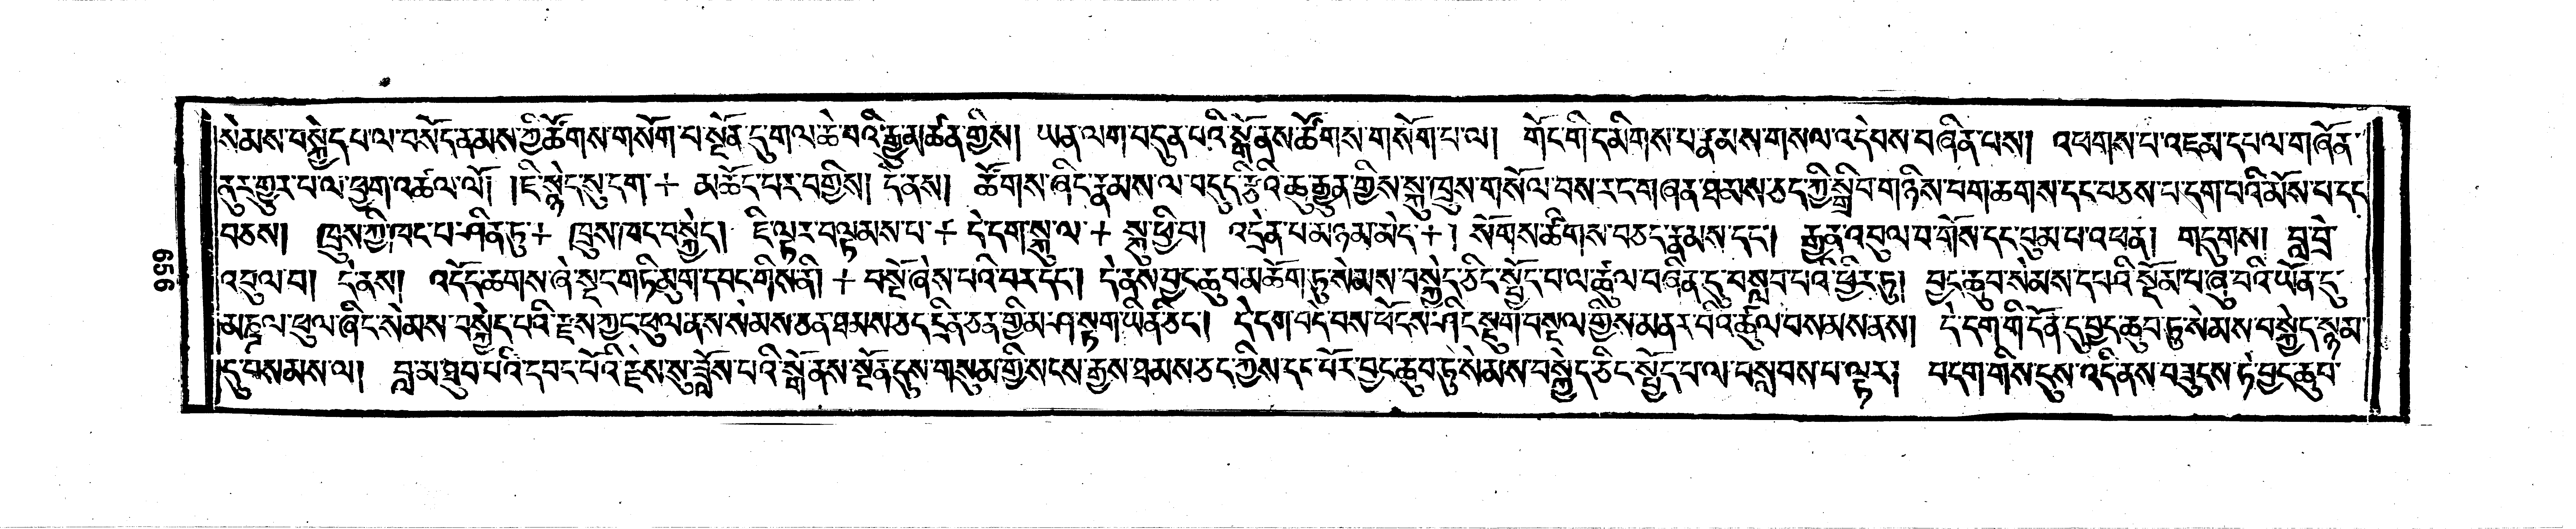སེམས་བསྐྱེད་པ་ལ་བསོད་ནམས་ཀྱི་ཚོགས་གསོག་པ་སྔོན་དུ་གལ་ཆེ་བའི་རྒྱུ་མཚན་གྱིས། ཡན་ལག་བདུན་པའི་སྒོ་ནས་ཚོགས་གསོག་པ་ལ། གོང་གི་དམིགས་པ་རྣམས་གསལ་འདེབས་བཞིན་པས། འཕགས་པ་འཇམ་དཔལ་གཞོན་
ནུར་གྱུར་པ་ལ་ཕྱག་འཚལ་ལོ། །ཇི་སྙེད་སུ་དག་+་མཆོད་པར་བགྱིས། དེ་ནས། ཚོགས་ཞིང་རྣམས་ལ་བདུད་རྩིའི་ཆུ་རྒྱུན་གྱིས་སྐུ་ཁྲུས་གསོལ་བས་རང་གཞན་ཐམས་ཅད་ཀྱི་སྒྲིབ་གཉིས་བག་ཆགས་དང་བཅས་པ་དག་པའི་མོས་པ་དང་
བཅས། ཁྲུས་ཀྱི་ཁང་པ་ཤིན་ཏུ་+་ཁྲུས་ཁང་བསྐྱེད། ཇི་ལྟར་བལྟམས་པ་+་དེ་དག་སྐུ་ལ་+་སྐུ་ཕྱི་བ། འདྲེན་པ་མཉམ་མེད་+། སོགས་ཚིགས་བཅད་རྣམས་དང་། རྒྱན་འབུལ་བ་གོས་དང་བུམ་པ་འཕན། གདུགས། བླ་བྲེ་
འབུལ་བ། དེ་ནས། འདོད་ཆགས་ཞེ་སྡང་གཏི་མུག་དབང་གིས་ནི། +་བསྔོ་ཞེས་པའི་བར་དང་། དེ་ནས་བྱང་ཆུབ་མཆོག་ཏུ་སེམས་བསྐྱེད་ཅིང་སྤྱོད་པ་ལ་ཚུལ་བཞིན་དུ་བསླབ་པའི་ཕྱིར་ཏུ། བྱང་ཆུབ་སེམས་དཔའི་སྡོམ་པ་ཞུ་བའི་ཡོན་དུ་
མཎྜལ་ཕུལ་ཞིང་སེམས་བསྐྱེད་པའི་རྫས་ཀྱང་ཕུལ་ནས་སེམས་ཅན་ཐམས་ཅད་དྲིན་ཅན་གྱི་མ་ཤ་སྟག་ཡིན་ཅིང་། དེ་དག་བདེ་བས་ཕོངས་ཤིང་སྡུག་བསྔལ་གྱིས་མནར་བའི་ཚུལ་བསམས་ནས། དེ་དག་གི་དོན་དུ་བྱང་ཆུབ་ཏུ་སེམས་བསྐྱེད་སྙམ་
དུ་བསམས་ལ། བླ་མ་ཐུབ་པའི་དབང་པོའི་རྗེས་སུ་ཟློས་པའི་སྒོ་ནས་སྔོན་དུས་གསུམ་གྱི་སངས་རྒྱས་ཐམས་ཅད་ཀྱིས་དང་པོར་བྱང་ཆུབ་ཏུ་སེམས་བསྐྱེད་ཅིང་སྤྱོད་པ་ལ་བསླབས་པ་ལྟར། བདག་གིས་དུས་འདི་ནས་བཟུངས་ཏེ་བྱང་ཆུབ་